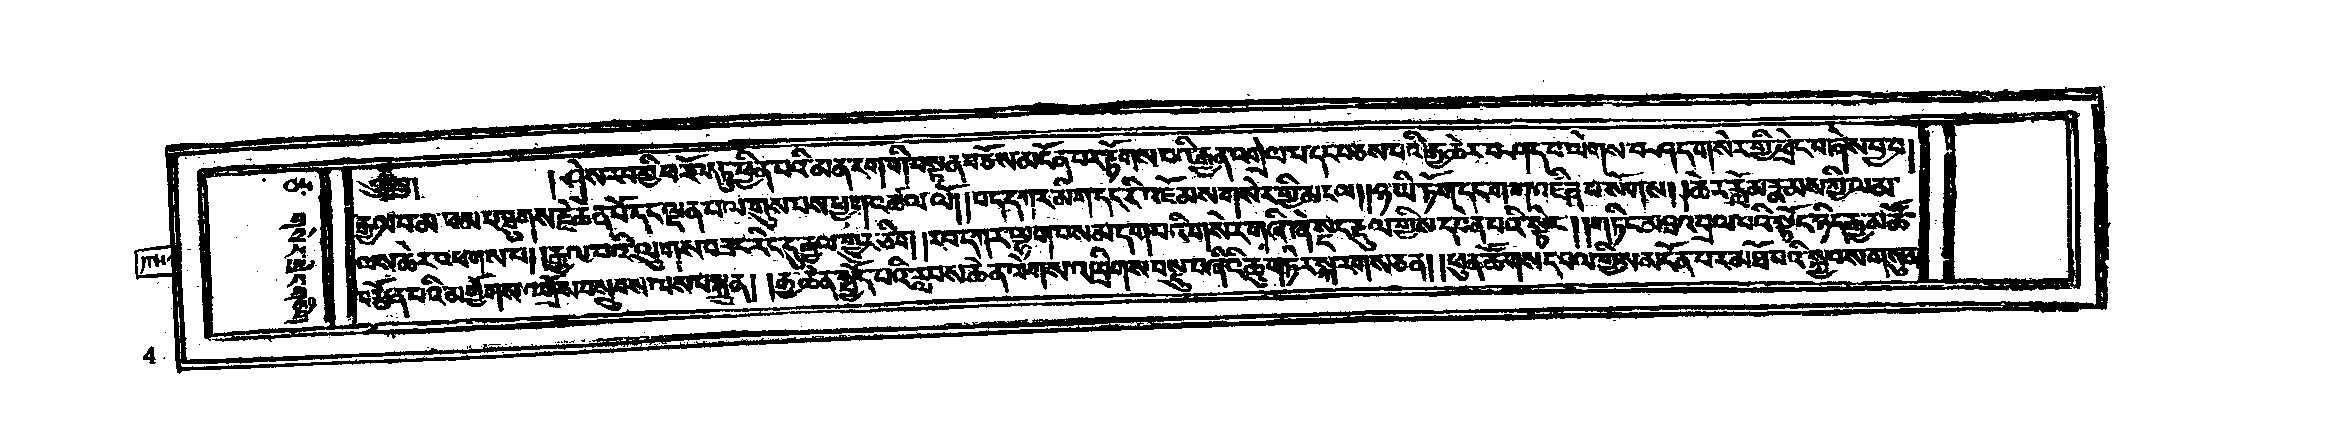༄༅༅། །ཤེས་རབ་ཀྱི་ཕ་རོལ་ཏུ་ཕྱིན་པའི་མན་ངག་གི་བསྟན་བཅོས་མངོན་པར་རྟོགས་པའི་རྒྱན་འགྲེལ་པ་དང་བཅས་པའི་རྒྱ་ཆེར་བཤད་པ་ལེགས་བཤད་གསེར་གྱི་ཕྲེང་བ་ཞེས་བྱ་བ།
རྒྱལ་བ་མ་ཕམ་པ་ཐུགས་རྗེ་ཆེན་པོ་དང་ལྡན་པ་ལ་གུས་པས་ཕྱག་འཚལ་ལོ། །པད་དཀར་མིག་དང་རི་འཇོམས་གསེར་གྱི་མངལ། །ཉ་ཡི་ཏོག་དང་ག་ག་འཛིན་པ་སོགས། །ཆེར་རློམ་རྣམས་ཀྱི་ལམ་
ལས་ཆེར་འཕགས་པ། །རྒྱལ་བའི་ལུགས་བཟང་རིང་དུ་རྒྱལ་གྱུར་ཅིག །རབ་དཀར་ལྷག་བསམ་དག་པའི་གསེར་གཞི་ཞེ་སྡང་རྡུལ་གྱིས་དབེན་པའི་སྟེང་། །གཏིང་མཐའ་བྲལ་བའི་སྟོང་ཉིད་རྒྱ་མཚོ་
བརྩོན་པའི་མགྱོགས་འགྲོས་བསྲུབས་ལས་བསྐྲུན། །རྒྱ་ཆེན་སྤྱོད་པའི་རླབས་ཆེན་ལེགས་འཁྲིགས་བསྡུ་བཞིའི་ཆུ་གཏེར་སྐ་རགས་ཅན། །ཕུན་ཚོགས་དཔལ་གྱིས་མངོན་པར་མཐོ་བའི་སྐྱབས་གསུམ་